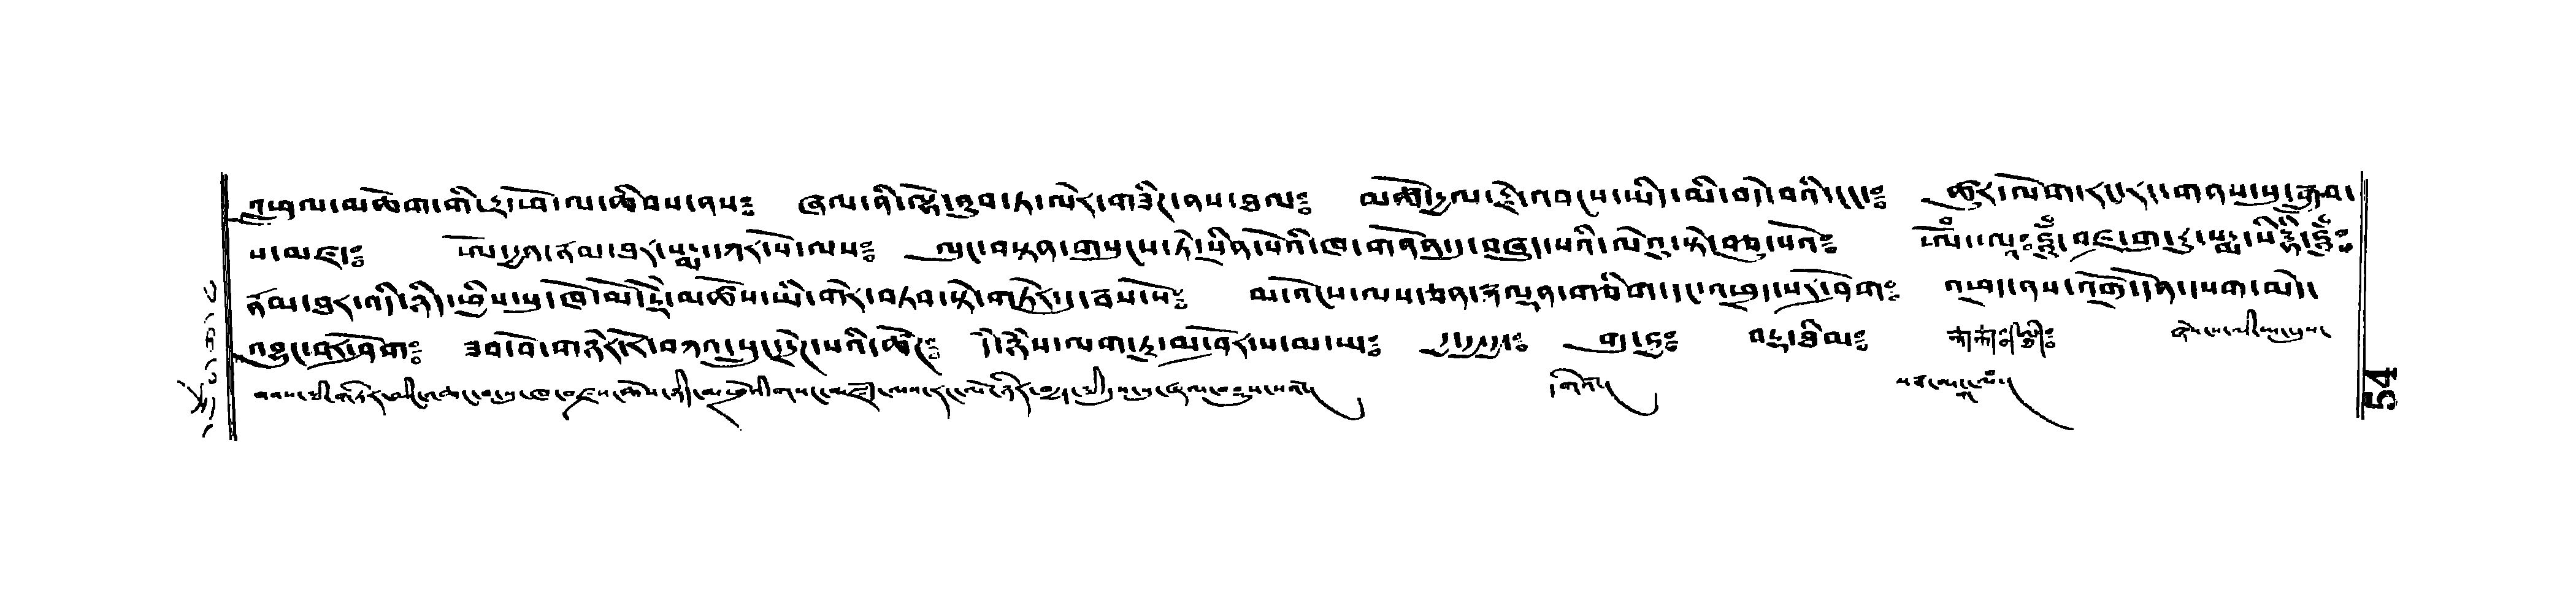འཕྲུལ་མཆོག་གི་རྟ་ཕོ་ལ་བཅིབས་ནས༔ ཞལ་ནི་ལྷོ་ནུབ་ཏ་ལེར་གཟིགས་ནས་ཐལ༔ མཚོ་རྒྱལ་རྗེ་འབངས་ཡིད་མི་བདེ་བའི་ངང༔ ཚུར་ལོག་རང་རང་གནས་སུ་སྒྲུབ་
པ་མཛད༔ ཨོ་རྒྱན་རྣམ་ཐར་པདྨ་དཀར་པོ་ལས༔ ལུང་བསྟན་གསུངས་ཏེ་སྲིན་པོའི་ཁ་གནོན་དུ་བཞུད་པའི་ལེའུ་སྟེ་བཅུ་པའོ༔ ཨོཾ་ཨཱཿཧཱུྃ་བཛྲ་གུ་རུ་པདྨ་སིདྡྷི་ཧཱུྃཿ 
རྣམ་ཐར་འདི་ཉིད་ཕྱིས་སུ་ཁོ་མོ་རྡོ་རྗེ་མཚོས་ཡི་གེར་བཏབ་སྟེ་གཏེར་དུ་སྦས་སོ༔ མ་འོངས་ལས་ཅན་སྐལ་ལྡན་གཅིག་དང་འཕྲད་པར་ཤོག༔ འཕྲད་ནས་འགྲོ་དོན་དཔག་མེད་
འབྱུང་བར་ཤོག༔ཟབ་བོ་གཉེར་རོ་བཀའ་སྲུང་དྲེགས་པའི་ཚོགས༔ དམ་ཉམས་ལག་ཏུ་མ་ཤོར་ས་མ་ཡ༔ རྒྱ་རྒྱ་རྒྱ༔ གུ་ཧྱ༔ བརྡ་ཐིམ༔ ཞེས་པ་འདི་ཡང་དུས་
བབས་ཀྱི་གཏེར་མིང་འཆང་བ་སུ་ཁ་བཛྲས་ཆོས་ཉིད་མཁའ་འགྲོའི་གསང་མཛོད་ལས་རང་ལོ་ཉེར་བརྒྱད་ཀྱི་དུས་སུ་ཞལ་བཤུས་པའོ།། སརྦ་མངྒ་ལཾ།།